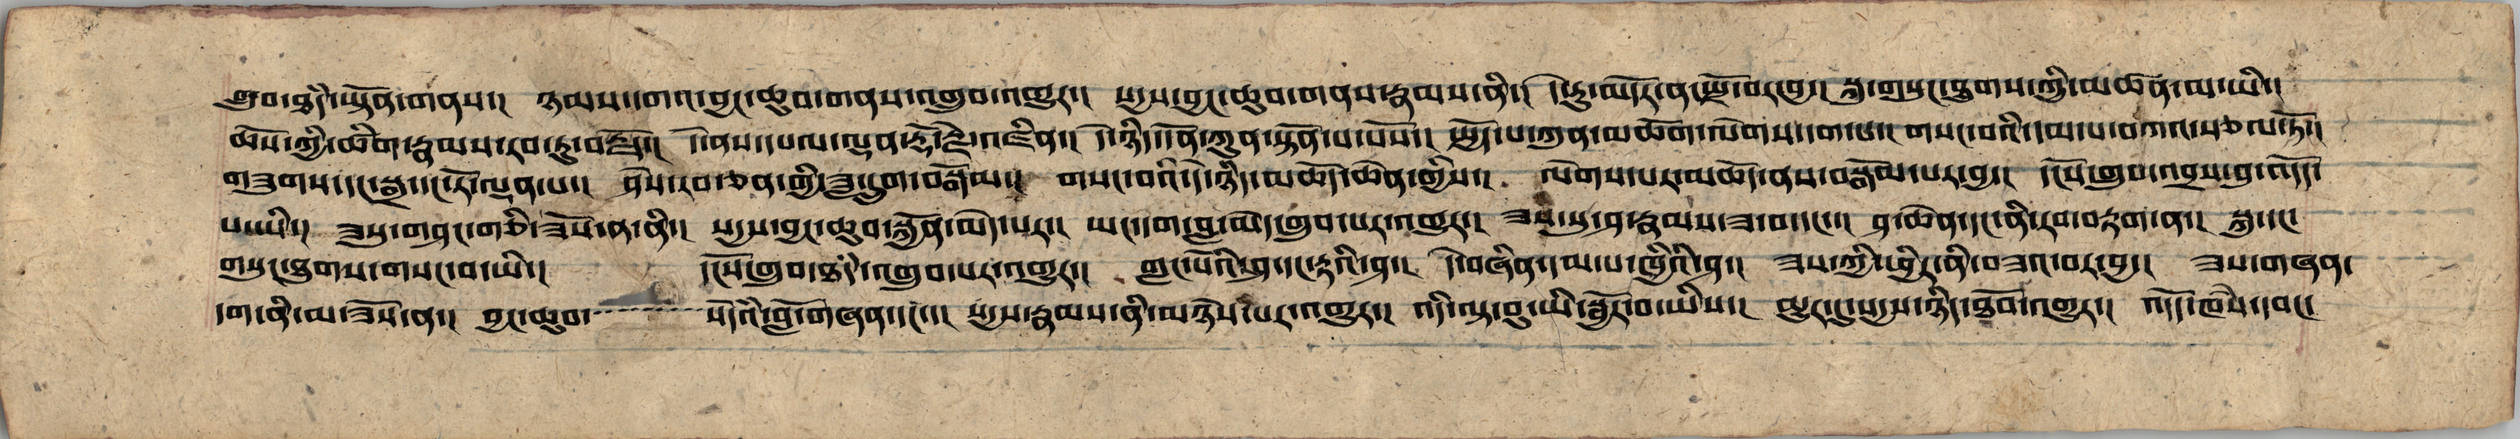གྲུབ་ཐཾད་ཡྟོན་གནས་། ཉམས་དགའ་བྱང་ཆུབ་གནས་འགྲུབ་འགྱུར་། སདྱས་བྱང་ཆུབ་གནས་རྣམས་ནི་།། དེ་རུ་མདོར་ན་སྤྲོ་བར་བྱ་། སྐུ་གསུང་ཐུགས་ཀྱི་མཚན་མ་ཡི་།
ཆོས་ཀྱི་ཚིག་རྣམས་རབ་ཏུ་བརྗོད་། དེ་ནས་དཔལ་ལྡན་རྡོ་རྗེ་འཛིན་། དེ་ཉིད་དོན་ཀུན་སྟོན་པ་པོས་། སྤྱོད་པ་ཀུན་མཆོག་ལེགས་དག་པ་། གསང་བའི་དམ་པ་བཀའ་སྩལ་ཏོ་།
གཟུགས་དང་སྒྲ་དང་རོ་ལྡན་པ་། ཤེས་རབ་ཅན་གྱི་ཟླ་དྲུག་བསྒོམ་། གསང་བའི་དེ་ཉིད་མཆོད་ཆེན་གྱིས་། ལེགས་པར་མཆོད་ནས་བསྒོམ་པར་བྱ་། དངོས་གྲུབ་འབྲས་བུ་འདོད་
པ་ཡི་། ཟསུ་གཤང་གཅི་ཟོས་ན་ནི་། སདྱས་བྱང་ཆུབ་སྐྱོན་མེད་པར་། ཡང་དག་བླ་མེད་གྲུབ་པར་འགྱུར་། ཟས་སུ་ཤ་རྣམས་ཟ་བ་དང་་། ཤ་ཆེན་དང་ནི་རབ་བརྟག་ན་། སྐུ་དང་
གསུང་ཐུགས་གསང་བ་ཡི་། དངོས་གྲུབ་ཐཾད་འགྲུབ་པར་འགྱུར་། གླང་པོའི་ཤ་དང་རྟའི་ཤ་། དེ་བཞིན་དམ་པ་ཁྱིའི་ཤ་། ཟས་ཀྱི་ཕྱིར་ནི་བཟའ་བར་བྱ་། ཟས་གཞན་
དག་ནི་མ་ཟོས་ན་། བྱང་ཆུབ་་་་་་་་་སེདཾའ་བློ་གཞན་དང་་། སདྱས་རྣམས་ནི་མཉེས་པར་འགྱུར་། འདི་ལྟ་བུ་ཡི་སྦྱོར་བ་ཡིས་། མྱུར་དུ་སདྱས་ཉིད་ཐོབ་འགྱུར་། འདོད་ཁཾས་དབང་